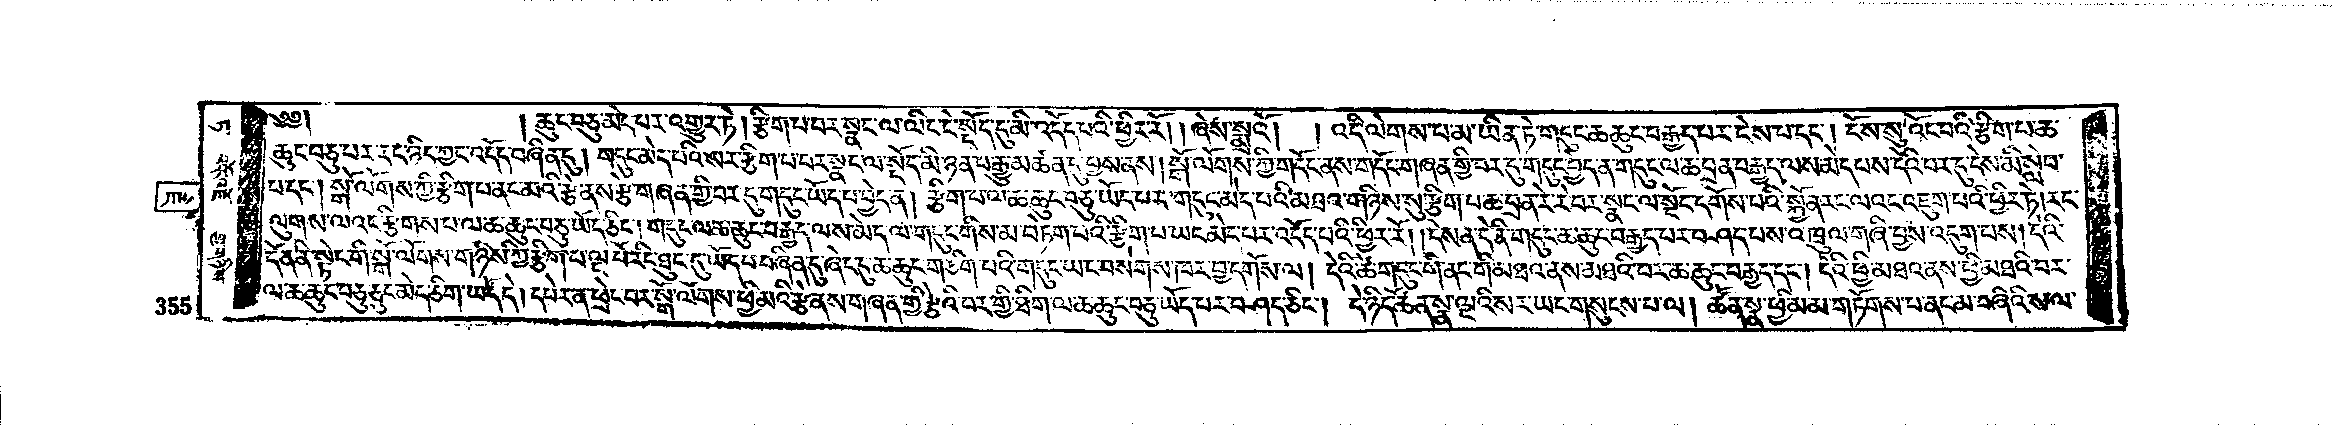༄༅། །ཆུང་བཅུ་མེད་པར་འགྱུར་ཏེ། རྩིག་པ་བར་སྣང་ལ་ལིང་ངེ་སྡོད་དུ་མི་འདོད་པའི་ཕྱིར་རོ། །ཞེས་སྨྲའོ། །འདི་ལེགས་པ་མ་ཡིན་ཏེ་གདུང་ཆ་ཆུང་བརྒྱད་པར་ངེས་པ་དང་། ངོས་སུ་འོང་བའི་རྩིག་པ་ཆ་
ཆུང་བཅུ་པར་རང་ཉིད་ཀྱང་འདོད་བཞིན་དུ། གདུང་མེད་པའི་སར་རྩིག་པ་བར་སྣང་ལ་སྡོད་མི་ཉན་པ་རྒྱུ་མཚན་དུ་བྱས་ནས། སྒོ་ལོགས་ཀྱི་གདོང་ནས་གདོང་གཞན་གྱི་བར་དུ་གདུང་བྱེད་ན་གདུང་ལ་ཆ་བྲན་བརྒྱད་ལས་མེད་པས་དེའི་བར་དུ་དེས་མི་སླེབ་
པ་དང་། སྒོ་ལོགས་ཀྱི་རྩིག་པ་ནང་མའི་རྩེ་ནས་རྩེ་གཞན་གྱི་བར་དུ་གདུང་ཡོད་པ་བྱེད་ན། རྩིག་པ་ལ་ཆ་ཆུང་བཅུ་ཡོད་པས་གདུང་མེད་པའི་མཐའ་གཉིས་སུ་རྩིག་པ་ཆ་བྲན་རེ་རེ་བར་སྣང་ལ་སྡོད་དགོས་པའི་སྐྱོན་རང་ལའང་འཇུག་པའི་ཕྱིར་ཏེ། རང་
ལུགས་ལའང་རྩིགས་པ་ལ་ཆ་ཆུང་བཅུ་ཡོད་ཅིང་། གདུང་ལ་ཆ་ཆུང་བརྒྱད་ལས་མེད་ལ་གདུང་གིས་མ་བཏེག་པའི་རྩིག་པ་ཡང་མེད་པར་འདོད་པའི་ཕྱིར་རོ། །དེས་ན་དེ་ནི་གདུང་ཆ་ཆུང་བརྒྱད་པར་བཤད་པས་འཁྲུལ་གཞི་བྱས་འདུག་པས། དེའི་
དོན་ནི་སྟེང་གི་སྒོ་ལོགས་གཉིས་ཀྱི་རྩིག་པ་ལྔ་པོ་རིང་ཐུང་དུ་ཡོད་པ་བཞིན་དུ་ཞེང་དུ་ཆ་ཆུང་གཅིག་པའི་གདུང་ཡང་བསེགས་ཁར་བྱ་དགོས་ལ། དེའི་ཚེ་གདུང་གི་ནང་གི་མཐའ་ནས་མཐའི་བར་ཆ་ཆུང་བརྒྱད་དང་། དེའི་ཕྱི་མཐའ་ནས་ཕྱི་མཐའི་བར་
ལ་ཆ་ཆུང་བཅུ་ཅུང་མེད་ཅིག་ཡོད་དེ། དཔེར་ན་ཕྲེང་བར་སྒོ་ལོགས་ཕྱི་མའི་རྩེ་ནས་གཞན་གྱི་རྩེའི་བར་གྱི་ཐིག་ལ་ཆ་ཆུང་བཅུ་ཡོད་པར་བཤད་ཅིང་། དེ་ཉིད་ཚོན་སྣ་ལྔའི་སར་ཡང་གསུངས་པ་ལ། ཚོན་སྣ་ཕྱི་མ་མ་གཏོགས་པ་ནང་མ་བཞིའི་ས་ལ་